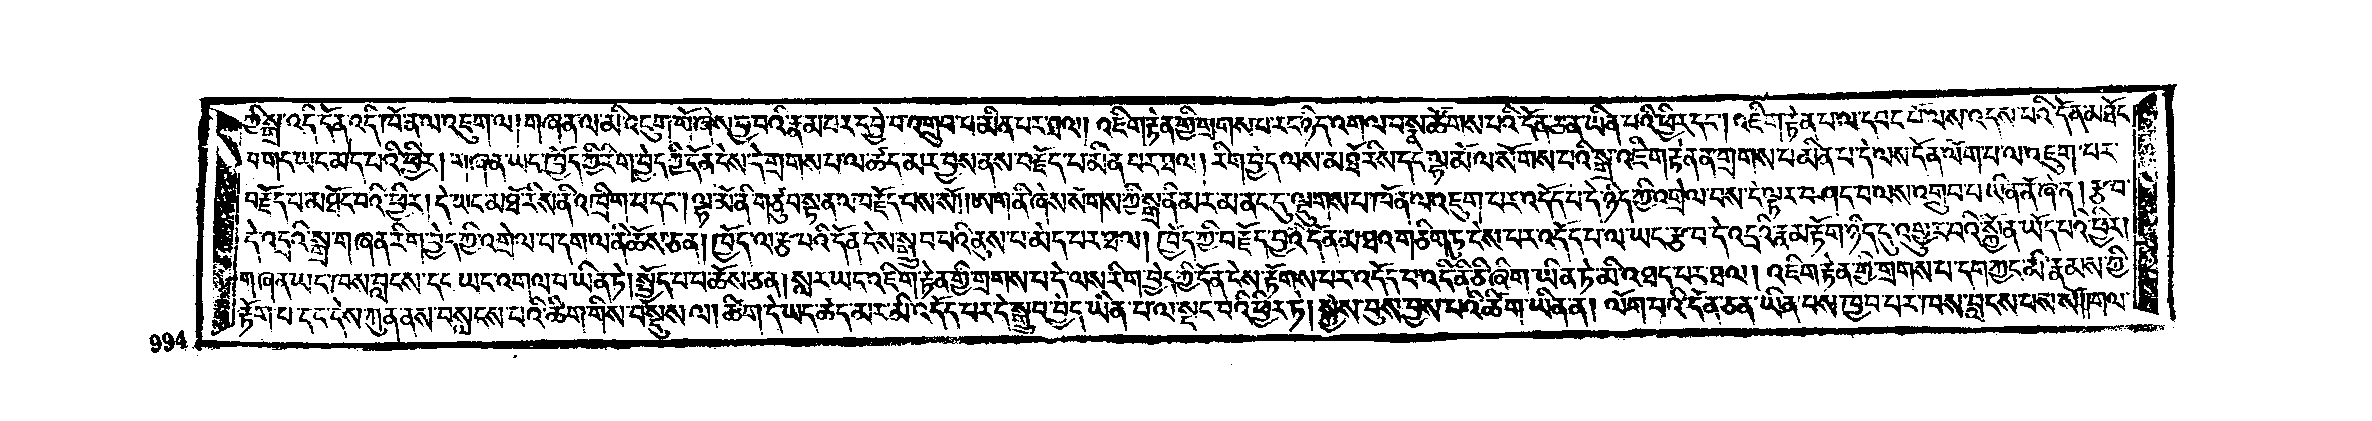ཀྱི་སྒྲ་འདི་དོན་འདི་ཁོ་ན་ལ་འཇུག་ལ། གཞན་ལ་མི་འཇུག་གོ་ཞེས་བྱ་བའི་རྣམ་པར་དབེ་བ་བགྲུབ་པ་མིན་པར་ཐལ། འཇིག་རྟེན་གྱི་གྲགས་པ་རང་ཉིད་འགལ་བ་སྣ་ཚོགས་པའི་དོན་ཅན་ཡིན་པའི་ཕྱིར་དང་། འཇིག་རྟེན་པ་ལ་དབང་པོ་ལས་འདས་པའི་དོན་མཐོང་
བ་གང་ཡང་མེད་པའི་ཕྱིར། གཞན་ཡང་ཁྱོད་ཀྱི་རིག་བྱེད་ཀྱི་དོན་ངེས་དེ་གྲགས་པ་ལ་ཚད་མར་བྱས་ནས་བརྗོད་པ་མིན་པར་ཐལ། རིག་བྱེད་ལས་མཐོ་རིས་དང་ལྷ་མོ་ལ་སོགས་པའི་སྒྲ་འཇིག་རྟེན་ན་གྲགས་པ་མིན་པ་དེ་ལས་དོན་ལོག་པ་ལ་འཇུག་པར་
བརྗོད་པ་མཐོང་བའི་ཕྱིར། དེ་ཡང་མཐོ་རིས་ནི་འཁྲིག་པ་དང་། ལྷ་བོ་ནི་བཙུབ་སྟན་ལ་བརྗོད་པས་སོ། །ཨག་ནི་ཞེས་སོགས་ཀྱི་སྒྲ་ནི་མར་མ་ནང་དུ་ལྡུགས་པ་ཁོ་ན་ལ་འཇུག་པར་འདོད་པ་དེ་ཉིད་ཀྱི་འགྲེལ་བས་དེ་ལྟར་བཤད་པ་ལས་འགྲུབ་པ་ཡིན་ནོ་ཞེ་ན། རྩ་བ་
དེ་འདྲའི་སྒྲ་གཞན་རིག་བྱེད་ཀྱི་འགྲེལ་པ་དག་ལ་ནི་ཆོས་ཅན། ཁོད་ལ་རྩ་བའི་དོན་ངེས་སྒྲུབ་པའི་ནུས་པ་མེད་པར་ཐལ། ཁྱོད་ཀྱི་བརྗོད་བྱའི་དོན་མཐའ་གཅིག་ཏུ་ངེས་པར་འདོད་པ་ལ་ཡང་རྩ་བ་དེ་འདྲའི་རྣམ་རྟོག་ཉིད་དུ་འགྱུར་བའི་སྐྱོན་ཡོད་པའི་ཕྱིར།
གཞན་ཡང་ཁས་བླངས་དང་ཡང་འགལ་བ་ཡིན་ཏེ། སྤྱོད་པ་པ་ཆོས་ཅན། སླར་ཡང་འཇིག་རྟེན་གྱི་གྲགས་པ་དེ་ལས་རིག་བྱེད་ཀྱི་དོན་ངེས་རྟོགས་པར་འདོད་པ་འདི་ནི་ཅི་ཞིག་ཡིན་ཏེ་མི་འཐད་པར་ཐལ། འཇིག་རྟེན་གྱི་གྲགས་པ་དག་ཀྱང་མི་རྣམས་ཀྱི་
རྟོག་པ་དང་དེས་ཀུན་ནས་བསླངས་པའི་ཚིག་གིས་བསྡུས་ལ། ཚིག་དེ་ཡང་ཚད་མར་མི་འདོད་པར་དེ་སྒྲུབ་བྱེད་ཡིན་པ་ལ་སྡང་བའི་ཕྱིར་ཏེ། སྐྱེས་བུས་བྱས་པའི་ཚིག་ཡིན་ན། ལོག་པའི་དོན་ཅན་ཡིན་པས་ཁྱབ་པར་ཁས་བླངས་པས་སོ། །གལ་